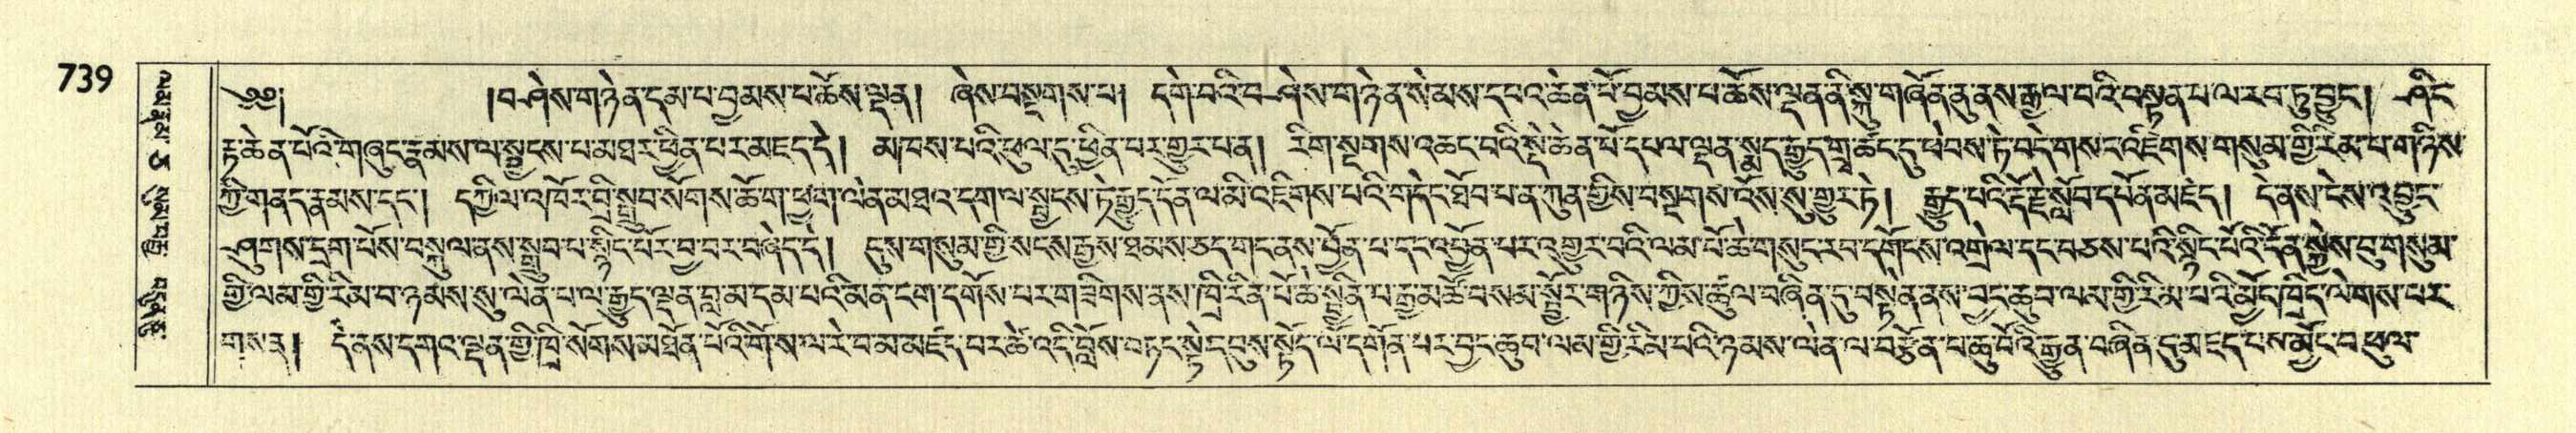༄༅། །བཤེས་གཉེན་དམ་པ་བྱམས་པ་ཆོས་ལྡན། ཞེས་བསྔགས་པ། དགེ་བའི་བཤེས་གཉེན་སེམས་དཔའ་ཆེན་པོ་བྱམས་པ་ཆོས་ལྡན་ནི་སྐུ་གཞོན་ནུ་ནས་རྒྱལ་བའི་བསྟན་པ་ལ་རབ་ཏུ་བྱུང་། ཤིང་
རྟ་ཆེན་པོའི་གཞུང་རྣམས་ལ་སྦྱངས་པ་མཐར་ཕྱིན་པར་མཇད་དེ། མཁས་པའི་ཕུལ་དུ་ཕྱིན་པར་གྱུར་པ་ན། རིག་སྔགས་འཆང་བའི་སྡེ་ཆེན་པོ་དཔལ་ལྡན་སྨད་རྒྱུད་གྲྭ་ཚང་དུ་ཕེབས་ཏེ་བདེ་གསང་འཇིགས་གསུམ་གྱི་རིམ་པ་གཉིས་
ཀྱི་གནད་རྣམས་དང་། དཀྱིལ་འཁོར་བྲི་སྒྲུབ་སོགས་ཆོ་ག་ཕྱག་ལེན་མཐའ་དག་ལ་སྦྱངས་ཏེ་རྒྱུད་དོན་ལ་མི་འཇིགས་པའི་གདེང་ཐོབ་པ་ན་ཀུན་གྱིས་བསྔགས་འོས་སུ་གྱུར་ཏེ། རྒྱུད་པའི་རྡོ་རྗེ་སློབ་དཔོན་མཛད། དེ་ནས་ངེས་འབྱུང་
ཤུགས་དྲག་པོས་བསྐུལ་ནས་སྒྲུབ་པ་སྙིང་པོར་བྱ་བར་བཞེད་དེ། དུས་གསུམ་གྱི་སངས་རྒྱས་ཐམས་ཅད་གང་ནས་བྱོན་པ་དང་འབྱོན་པར་འགྱུར་བའི་ལམ་པོ་ཆེ་གསུང་རབ་དགོངས་འགྲེལ་དང་བཅས་པའི་སྙིང་པོའི་དོན་སྐྱེས་བུ་གསུམ་
གྱི་ལམ་གྱི་རིམ་བ་ཉམས་སུ་ལེན་པ་ལ་རྒྱུད་ལྡན་བླ་མ་དམ་པའི་མན་ངག་དགོས་པར་གཟིགས་ནས་ཁྲི་རིན་པོ་ཆེ་སྦྱིན་པ་རྒྱ་མཚོ་བསམ་སྦྱོར་གཉིས་ཀྱིས་ཚུལ་བཞིན་དུ་བསྟེན་ནས་བྱང་ཆུབ་ལམ་གྱི་རིམ་པའི་མྱོང་ཁྲིད་ལེགས་པར་
གསན། དེ་ནས་དགའ་ལྡན་གྱི་ཁྲི་སོགས་མཐོན་པོའི་གོ་ས་ལ་རེ་བ་མ་མཛད་བར་ཚེ་འདི་བློས་བཏང་སྟེ་དབུས་སྟོད་ལོ་དགོན་པར་བྱང་ཆུབ་ལམ་གྱི་རིམ་པའི་ཉམས་ལན་ལ་བརྩོན་པ་ཆུ་བོའི་རྒྱུན་བཞིན་དུ་མཛད་པས་མྱོང་བ་ཕུལ་